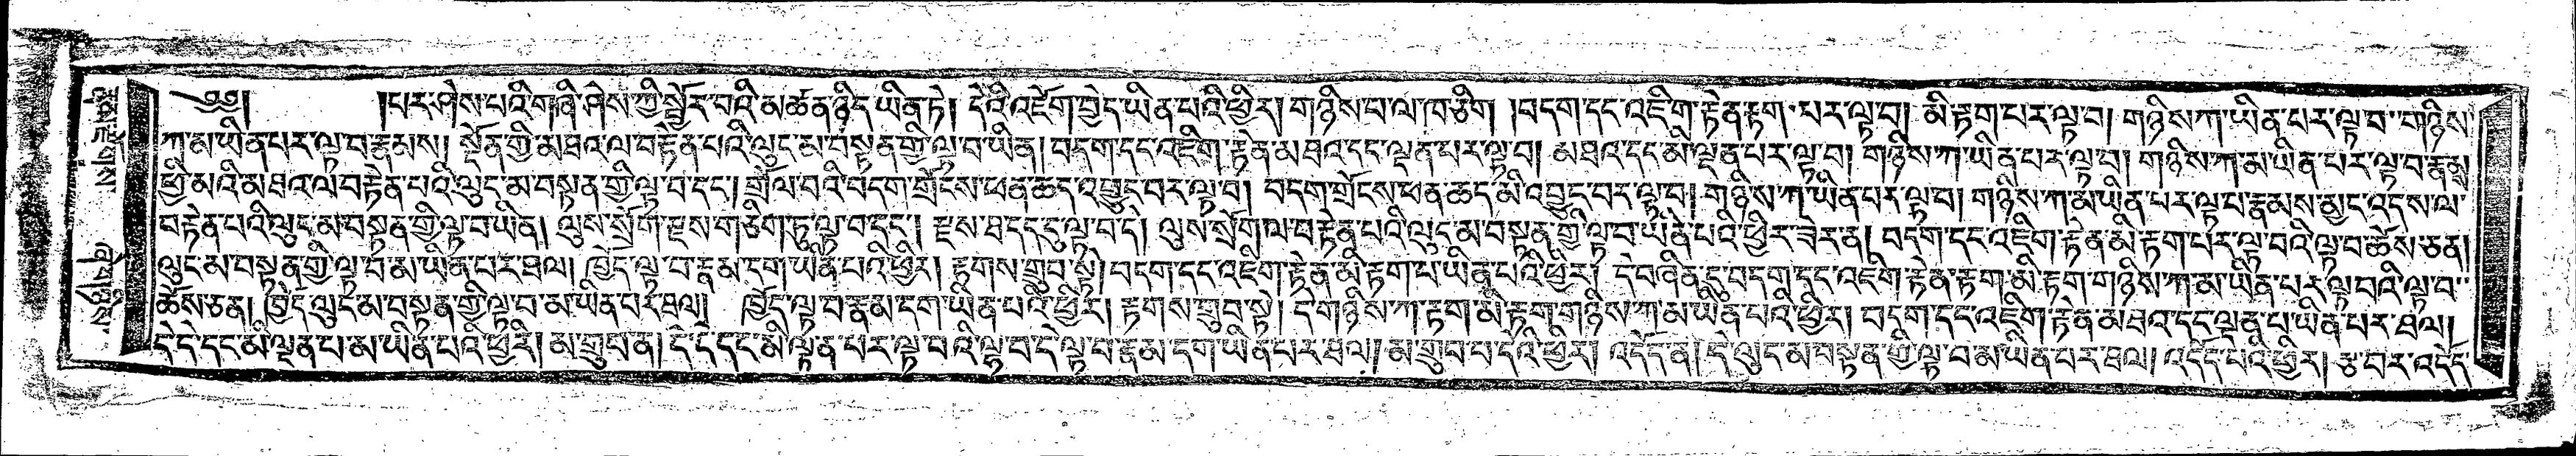༄༅། །པར་ཤེས་པའི་གཞི་ཤེས་ཀྱི་སྦྱོར་བའི་མཚན་ཉིད་ཡིན་ཏེ། དེའི་འཇོག་བྱེད་ཡིན་པའི་ཕྱིར། གཉིས་པ་ལ་ཁ་ཅིག །བདག་དང་འཇིག་རྟེན་རྟག་པར་ལྟ་བ། མི་རྟག་པར་ལྟ་བ། གཉིས་ཀ་ཡིན་པར་ལྟ་བ་གཉིས་
ཀ་མ་ཡིན་པར་ལྟ་བ་རྣམས། སྔོན་གྱི་མཐའ་ལ་བརྟེན་པའི་ལུང་མ་བསྟན་གྱི་ལྟ་བ་ཡིན། བདག་དང་འཇིག་རྟེན་མཐའ་དང་ལྡན་པར་ལྟ་བ། མཐའ་དང་མི་ལྡན་པར་ལྟ་བ། གཉིས་ཀ་ཡིན་པར་ལྟ་བ། གཉིས་ཀ་མ་ཡིན་པར་ལྟ་བ་རྣམས་
ཕྱི་མའི་མཐའ་ལ་བརྟེན་པའི་ལུང་མ་བསྟན་གྱི་ལྟ་བ་དང་། གྲོལ་བའི་བདག་གྲོངས་ཕན་ཆད་འབྱུང་བར་ལྟ་བ། བདག་གྲོངས་ཕན་ཆད་མི་འབྱུང་བར་ལྟ་བ། གཉིས་ཀ་ཡིན་པར་ལྟ་བ། གཉིས་ཀ་མ་ཡིན་པར་ལྟ་བ་རྣམས་མྱང་འདས་ལ་
བརྟེན་པའི་ལུང་མ་བསྟན་གྱི་ལྟ་བ་ཡིན། ལུས་སྲོག་རྫས་གཅིག་ཏུ་ལྟ་བ་དང་། རྫས་ཐ་དད་དུ་ལྟ་བ་དེ། ལུས་སྲོག་ལ་བརྟེན་པའི་ལུང་མ་བསྟན་གྱི་ལྟ་བ་ཡིན་པའི་ཕྱིར་ཟེར་ན། བདག་དང་འཇིག་རྟེན་མི་རྟག་པར་ལྟ་བའི་ལྟ་བ་ཆོས་ཅན།
ལུང་མ་བསྟན་གྱི་ལྟ་བ་མ་ཡིན་པར་ཐལ། ཁྱོད་ལྟ་བ་རྣམ་དག་ཡིན་པའི་ཕྱིར། རྟགས་གྲུབ་སྟེ། བདག་དང་འཇིག་རྟེན་མི་རྟག་པ་ཡིན་པའི་ཕྱིར། དེ་བཞིན་དུ་བདག་དང་འཇིག་རྟེན་རྟག་མི་རྟག་གཉིས་ཀ་མ་ཡིན་པར་ལྟ་བའི་ལྟ་བ་
ཆོས་ཅན། ཁྱོད་ལུང་མ་བསྟན་གྱི་ལྟ་བ་མ་ཡིན་པར་ཐལ། ཁྱོད་ལྟ་བ་རྣམ་དག་ཡིན་པའི་ཕྱིར། རྟགས་གྲུབ་སྟེ། དེ་གཉིས་ཀ་རྟག་མི་རྟག་གཉིས་ཀ་མ་ཡིན་པའི་ཕྱིར། བདག་དང་འཇིག་རྟེན་མཐའ་དང་ལྡན་པ་ཡིན་པར་ཐལ།
དེ་དེ་དང་མི་ལྡན་པ་མ་ཡིན་པའི་ཕྱིར། མ་གྲུབ་ན། དེ་དེ་དང་མི་ལྡན་པར་ལྟ་བའི་ལྟ་བ་དེ་ལྟ་བ་རྣམ་དག་ཡིན་པར་ཐལ། མ་གྲུབ་པ་དེའི་ཕྱིར། འདོད་ན། དེ་ལུང་མ་བསྟན་གྱི་ལྟ་བ་མ་ཡིན་པར་ཐལ། འདོད་པའི་ཕྱིར། རྩ་བར་འདོད་